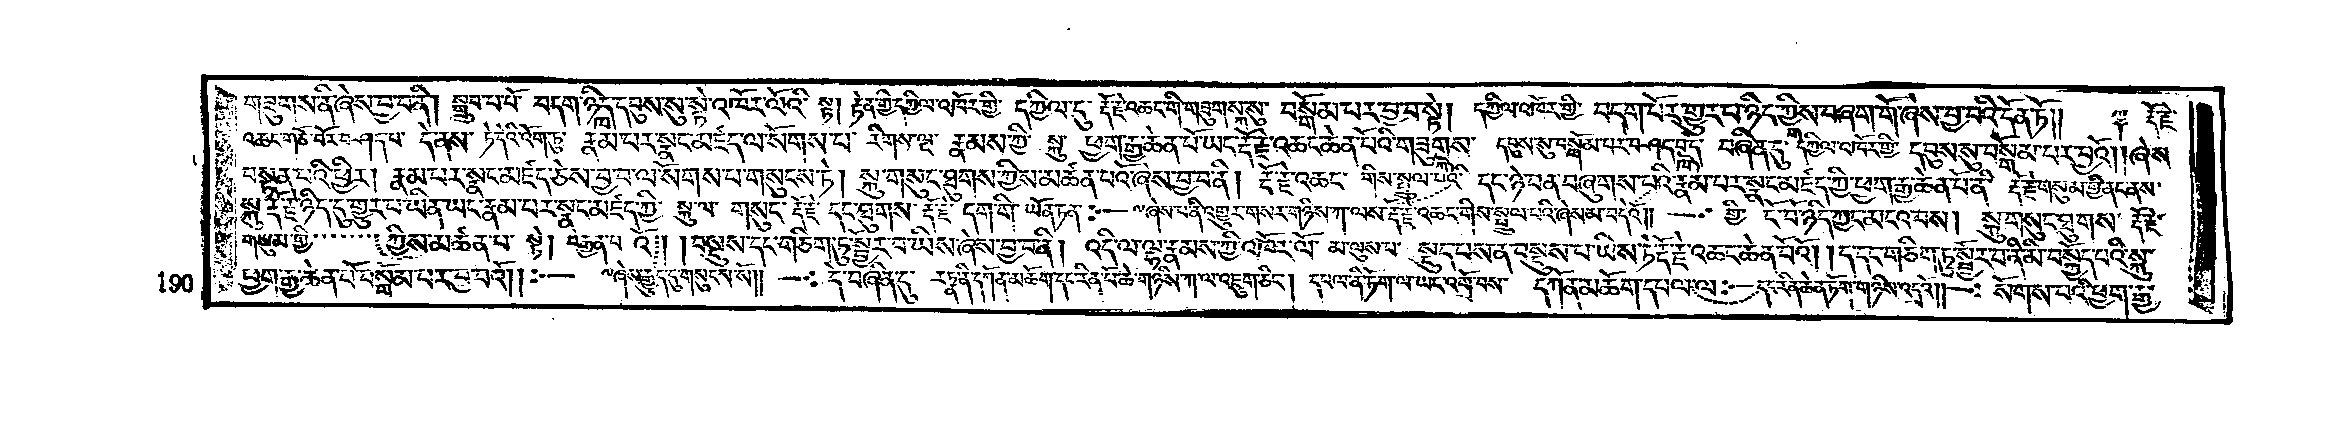གཟུགས་ནི་ཞེས་བྱ་བ་ནི། སྒྲུབ་པ་པོ་བདག་ཉིད་དབུས་སུ་སྟེ་འཁོར་ལོའི་སྟ། རྟེན་གྱི་དཀྱིལ་འཁོར་གྱི་དཀྱིལ་དུ་རྡོ་རྗེ་འཆང་གི་གཟུགས་སུ་བསྒོམ་པར་བྱ་བ་སྟེ། དཀྱིལ་འཁོར་གྱི་བདག་པོར་གྱུར་པ་ཉིད་ཀྱིས་བཞག་གོ་ཞེས་བྱ་བའི་དོན་ཏོ།། ༈ རྡོ་རྗེ་
འཆང་གཙོ་བོར་བཤད་པ་དེ་ནས་ཏེ་དེའི་འོག་ཏུ་རྣམ་པར་སྣང་མཛད་ལ་སོགས་པ་རིགས་ལྔ་རྣམས་ཀྱི་སྐུ་ཕྱག་རྒྱ་ཆེན་པོ་ཡང་རྡོ་རྗེ་འཆང་ཆེན་པོའི་གཟུགས་དབུས་སུ་བསྒོམ་པར་བཤད་པ་དེ་བཞིན་དུ་དཀྱིལ་འཁོར་གྱི་དབུས་སུ་བསྒོམ་པར་བྱའོ། །ཞེས་
བསྟན་པའི་ཕྱིར། རྣམ་པར་སྣང་མཛད་ཅེས་བྱ་བ་ལ་སོགས་པ་གསུངས་ཏེ། སྐུ་གསུང་ཐུགས་ཀྱིས་མཚན་པའོ་ཞེས་བྱ་བ་ནི། རྡོ་རྗེ་འཆང་གིས་སྤྲུལ་པའི་ཀ྄་དང་ཉེ་བ་ན་བཞུགས་པའི་ཁ྄་རྣམ་པར་སྣང་མཛད་ཀྱི་ཕྱག་རྒྱ་ཆེན་པོ་ནི་རྡོ་རྗེ་གསུམ་གྱི་ནང་ནས
སྐུ་རྡོ་རྗེ་ཉིད་དུ་གྱུར་པ་ཡིན་ཡང་རྣམ་པར་སྣང་མཛད་ཀྱི་སྐུ་ལ་གསུང་རྡོ་རྗེ་དང་ཐུགས་རྡོ་རྗེ་དག་གི་ཡོན་ཏན་༧ཞེས་པ་ནི་འགྱུར་གསར་གཉིས་ཀ་ལས་རྡོ་རྗེ་འཆང་གིས་སྤྲུལ་པའི་ཞེས་པ་བདེའོ།། གྱི་ངོ་བོ་ཉིད་ཀྱང་མངའ་བས། སྐུ་གསུང་ཐུགས་རྡོ་རྗེ་
གསུམ་གྱི་ཀྱིས་མཚན་པ་སྟེ། བརྒྱན་པའོ། །  བསྡུས་དང་གཅིག་ཏུ་སྦྱོར་བ་ཡིས་ཞེས་བྱ་བ་ནི། འདི་ལ་ལྷ་རྣམས་ཀྱི་འཁོར་ལོ་མ་ལུས་པ་སྡུད་པས་ན་བསྡུས་པ་ཡིས་ཏེ་རྡོ་རྗེ་འཆང་ཆེན་པོའོ། །དེ་དང་གཅིག་ཏུ་སྦྱོར་བ་ནི་མི་བསྐྱོད་པའི་སྐུ་
ཕྱག་རྒྱ་ཆེན་པོ་བསྒོམ་པར་བྱ་བའོ། ། ༈ ཞེས་རྒྱུད་དུ་གསུངས་སོ།།  དེ་བཞིན་དུ་རཏྣ་ནི་དཀོན་མཆོག་དང་རིན་པོ་ཆེ་གཉིས་ཀ་ལ་འཇུག་ཅིང་། དཔལ་ནི་ཏོག་ལ་ཡང་འགྲོ་བས་དཀོན་མཆོག་དཔལ་ལ་དང་རིན་ཆེན་ཏོག་གཉིས་འདྲའོ།། སོགས་པའི་ཕྱག་རྒྱ་